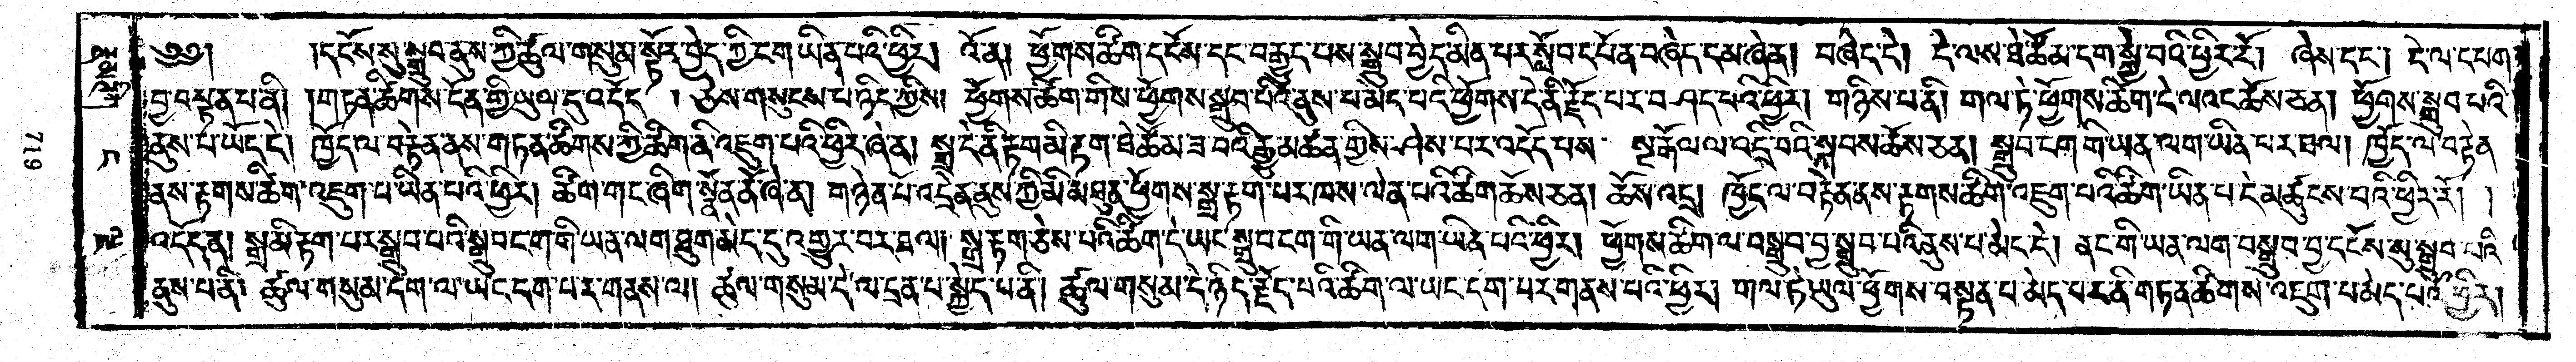༄༅། །དངོས་སུ་སྒྲུབ་ནུས་ཀྱི་ཚུལ་གསུམ་སྟོར་བྱེད་ཀྱི་ངག་ཡིན་པའི་ཕྱིར། འོ་ན། ཕྱོགས་ཚིག་དངོས་དང་བརྒྱུད་པས་སྒྲུབ་བྱེད་མིན་པར་སློབ་དཔོན་བཞེད་དམ་ཞེ་ན། བཞེད་དེ། དེ་ལས་ཐེ་ཚོམ་དག་སྐྱེ་བའི་ཕྱིར་རོ། ཞེས་དང་། དེ་ལ་དཔག་
བྱ་བསྟན་པ་ནི། །གཏན་ཚིགས་དོན་གྱི་ཡུལ་དུ་འདོད། ཅེས་གསུངས་པ་ཉིད་ཀྱིས། ཕྱོགས་ཚིག་གིས་ཕྱོགས་སྒྲུབ་པའི་ནུས་པ་མེད་པའི་ཕྱོགས་དེ་ནི་རྗོད་པར་བཤད་པའི་ཕྱིར། གཉིས་པ་ནི། གལ་ཏེ་ཕྱོགས་ཚིག་དེ་ལའང་ཆོས་ཅན། ཕྱོགས་སྒྲུབ་པའི་
ནུས་པ་ཡོད་དེ། ཁྱོད་ལ་བརྟེན་ནས་གཏན་ཚིགས་ཀྱི་ཚིག་ནི་འཇུག་པའི་ཕྱིར་ཞེ་ན། སྒྲ་དེ་ནི་རྟག་མི་རྟག་ཐེ་ཚོམ་ཟ་བའི་རྒྱུ་མཚན་གྱིས་ཤེས་པར་འདོད་པས། སྔ་རྒོལ་ལ་འདྲི་བའི་སྐབས་ཆོས་ཅན། སྒྲུབ་ངག་གི་ཡན་ལག་ཡིན་པར་ཐལ། ཁྱོད་ལ་བརྟེན་
ནས་རྟགས་ཚིག་འཇུག་པ་ཡིན་པའི་ཕྱིར། ཚིག་གང་ཞིག་སྣོན་ནོ་ཞེ་ན། གཉེན་པོ་འདྲེན་ནུས་ཀྱི་མི་མཐུན་ཕྱོགས་སྒྲ་རྟག་པར་ཁས་ལེན་པའི་ཚིག་ཆོས་ཅན། ཆོས་འདྲ། ཁྱོད་ལ་བརྟེན་ནས་རྟགས་ཚིག་འཇུག་པའི་ཚིག་ཡིན་པ་དེ་མཚུངས་པའི་ཕྱིར་རོ། །
འདོད་ན། སྒྲ་མི་རྟག་པར་སྒྲུབ་པའི་སྒྲུབ་ངག་གི་ཡན་ལག་ཐུག་མེད་དུ་འགྱུར་བར་ཐལ། སྒྲ་རྟག་ཅེས་པའི་ཚིག་དེ་ཡང་སྒྲུབ་ངག་གི་ཡན་ལག་ཡིན་པའི་ཕྱིར། ཕྱོགས་ཚིག་ལ་བསྒྲུབ་བྱ་སྒྲུབ་པའི་ནུས་པ་མེད་དེ། ནང་གི་ཡན་ལག་བསྒྲུབ་བྱ་དངོས་སུ་སྒྲུབ་པའི་
ནུས་པ་ནི། ཚུལ་གསུམ་དག་ལ་ཡང་དག་པར་གནས་ལ། ཚུལ་གསུམ་དེ་ལ་དྲན་པ་སྐྱེད་པ་ནི། ཚུལ་གསུམ་དེ་ཉིད་རྗོད་པའི་ཚིག་ལ་ཡང་དག་པར་གནས་པའི་ཕྱིར། གལ་ཏེ་ཡུལ་ཕྱོགས་བསྟན་པ་མེད་པར་ནི་གཏན་ཚིགས་འཇུག་པ་མེད་པའི་ཕྱིར།